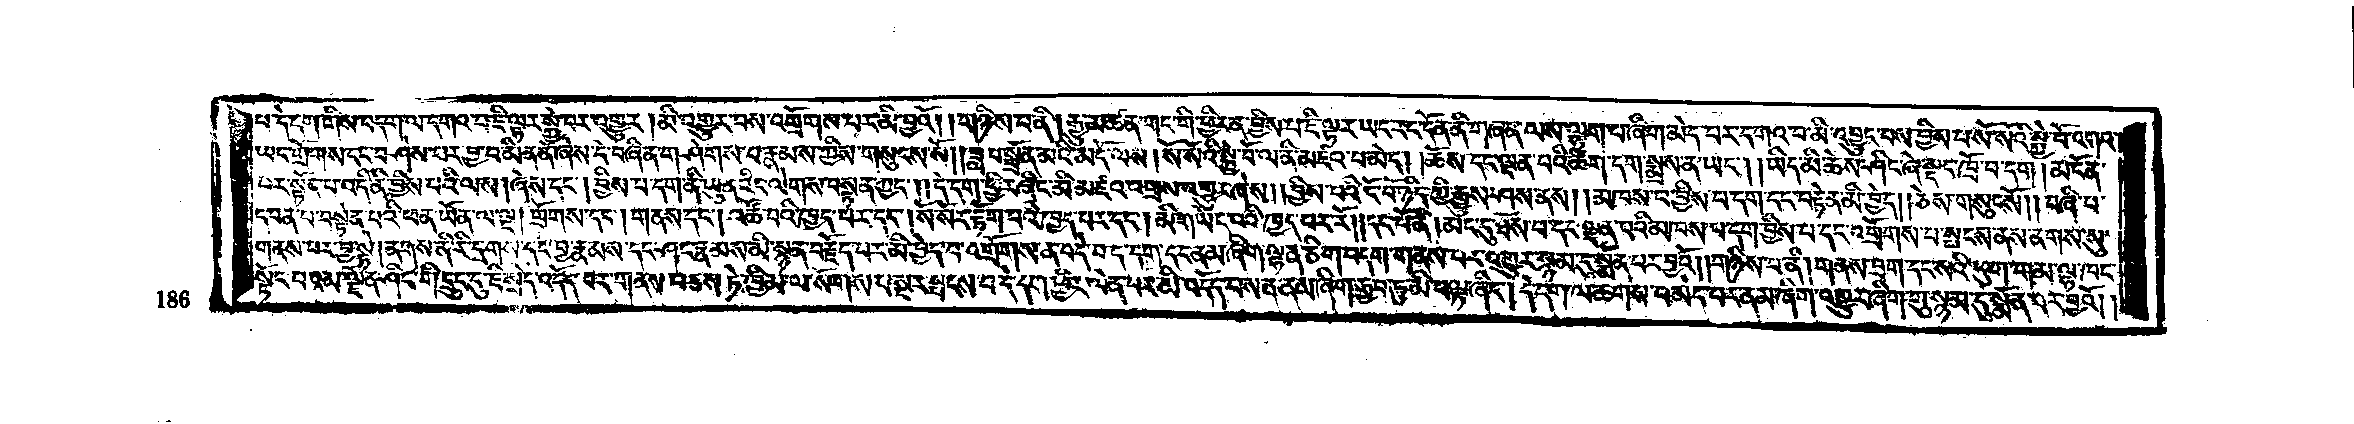པ་དེ་དག་གིས་བདག་ལ་དགའ་བ་ཇི་ལྟར་སྐྱེ་བར་འགྱུར། མི་འགྱུར་བས་འགྲོགས་པར་མི་བྱའོ། །གཉིས་པ་ནི། རྒྱུ་མཚན་གང་གི་ཕྱིར་ན་བྱིས་པ་ཇི་ལྟར་ཡང་རང་དོན་ནི་གཞན་ལས་ལྷག་པ་ཞིག་མེད་པར་དགའ་བ་མི་འབྱུང་བས་བྱིས་པ་སོ་སོའི་སྐྱེ་བོ་འགའ་
ཡང་གྲོགས་དང་བཤེས་པར་བྱ་བ་མིན་ནོ་ཞེས་དེ་བཞིན་གཤེགས་པ་རྣམས་ཀྱིས་གསུངས་སོ། །ཟླ་བ་སྤྲོན་མའི་མདོ་ལས། སོ་སོ་སྐྱེ་བོ་ལ་ནི་མཛའ་བ་མེད། །ཆོས་དང་ལྡན་པའི་ཚིག་དག་སྨྲས་ན་ཡང་། །ཡིད་མི་ཆེས་ཤིང་ཞེ་སྡང་ཁྲོ་བ་དག །མངོན་
པར་སྟོན་པ་འདི་ནི་བྱས་པའི་ལས། ཞེས་དང་། བྱིས་པ་དག་ནི་ཡུན་རིང?་ལེགས་བསྟན་ཀྱང་། །དེ་དག་ཕྱིར་ཞིང་མི་མཛའ་འགྲས་འགྱུར་ཞེས། །བྱིས་པའི་ངོ་བོ་ཉིད་ཀྱི་རྒྱུས་ཤེས་ནས། །མཁས་པ་བྱིས་པ་དག་དང་བརྟེན་མི་བྱེད། །ཅེས་གསུངས་སོ། །བཞི་པ་
དབན་པ་བསྟེན་པའི་ཕན་ཡོན་ལ་ལྔ། གྲོགས་དང་། འཚོ་བའི་ཁྱད་པར་དང་། སོ་སོར་རྟོག་པའི་ཁྱད་པར་དང་། མིག་ཡོད་པའི་ཁྱད་པར་རོ། །དང་པོ་ནི། མང་དུ་ཐོས་པ་དང་ལྡན་པའི་མཁས་པ་དག་བྱིས་པ་དང་འགྲོགས་པ་སྤངས་ནས་ནགས་སུ་
གནས་པར་བྱ་སྟེ། ནགས་ནི་རི་དྭགས་དང་བྱ་རྣམས་དང་ཤིང་རྣམས་མི་སྙན་བརྗོད་པར་མི་བྱེད་པ་འགྲོགས་ན་བདེ་བ་དེ་དག་དང་ནམ་ཞིག་ལྷན་ཅིག་བདག་གནས་པར་འགྱུར་སྙམ་དུ་སྨོན་པར་བྱའོ། །གཉིས་པ་ནི། གནས་བྲག་དང་སའི་ཕུག་གམ་ལྷ་གང་
སྟོང་པའམ་ལྗོན་ཤིང་གི་དྲུང་དུ་ཇི་སྲིད་འདོད་པར་གནས་བཅས་ཏེ་ཁྱིམ་ལ་སོགས་པ་སྔར་སྤངས་པ་དེ་དག་ཕྱིར་ལེན་པར་མི་འདོད་པས་ན་ནམ་ཞིག་རྒྱབ་ཏུ་མི་བལྟ་ཞིང་། དེ་དག་ལ་ཆགས་པ་མེད་པར་ནམ་ཞིག་འགྱུར་ཞིག་གུ་སྙམ་དུ་སྨོན་པར་བྱའོ། །